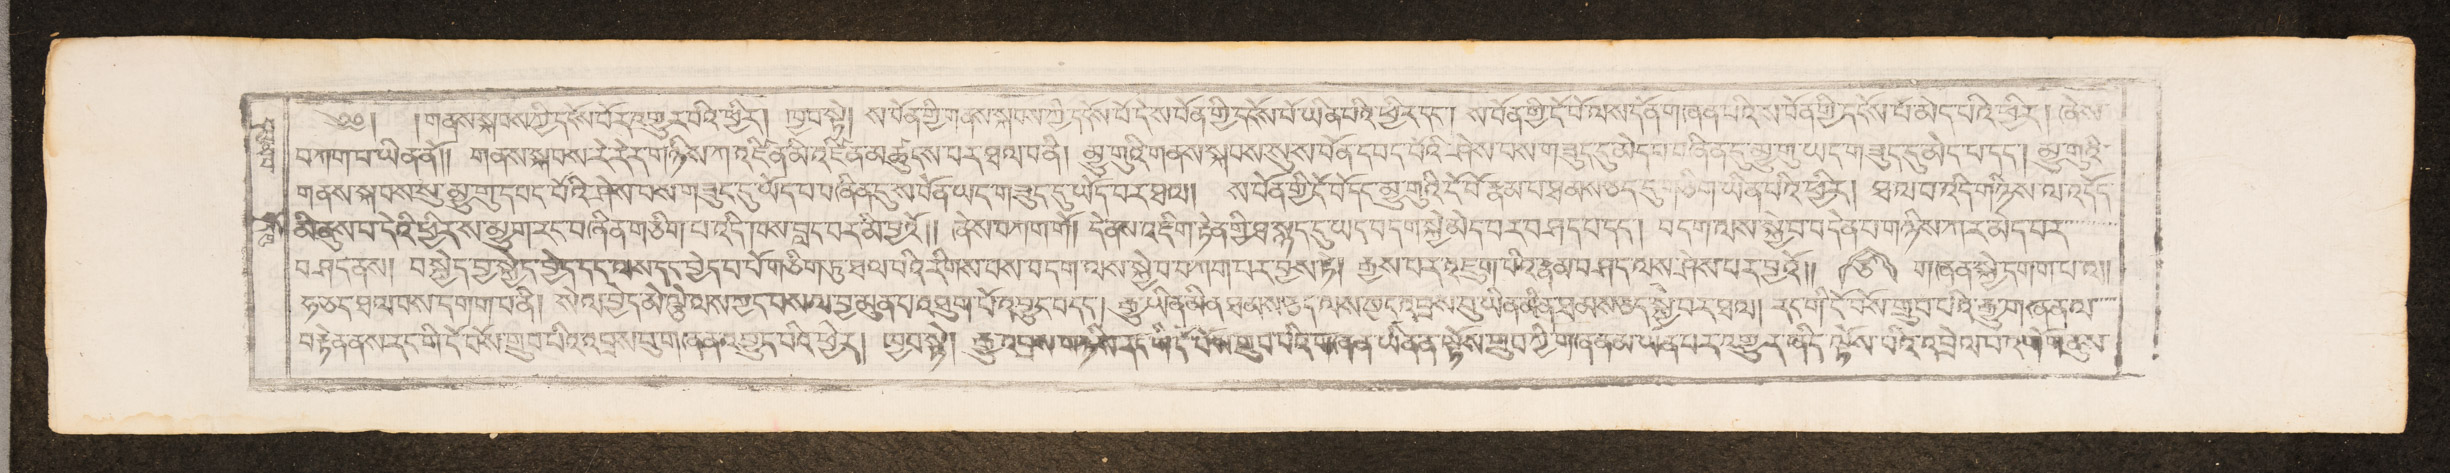༄༅། །གནས་སྐབས་ཀྱི་དངོས་པོར་འགྱུར་བའི་ཕྱིར། ཁྱབ་སྟེ། ས་བོན་གྱི་གནས་སྐབས་ཀྱི་དངོས་པོ་དེས་བོན་གྱི་དངོས་པོ་ཡིན་པའི་ཕྱིར་དང་། ས་བོན་གི་ངོ་བོ་ལས་དོན་གཞན་པའི་ས་བོན་གྱི་དངོས་པོ་མེད་པའི་ཕྱིར། ཞེས་
བཀག་པ་ཡིན་ནོ།། གནས་སྐབས་རེ་རེར་གཉིས་ཀ་འཛིན་མི་འཛིན་མཚུངས་པར་ཐལ་བ་ནི། མྱུ་གུའི་གནས་སྐབས་སུ་ས་བོན་དབང་པོའི་ཤེས་པས་གཟུང་དུ་མེད་པ་བཞིན་དུ་མྱུ་གུ་ཡང་གཟུང་དུ་མེད་པ་དང་། མྱུ་གུའི་
གནས་སྐབས་སུ་མྱུ་གུ་དབང་པོའི་ཤེས་པས་གཟུང་དུ་ཡོད་པ་བཞིན་དུ་ས་བོན་ཡང་གཟུང་དུ་ཡོད་པར་ཐལ། ས་བོན་གི་ངོ་བོ་དང་མྱུ་གུའི་ངོ་བོ་རྣམ་པ་ཐམས་ཅད་དུ་གཅིག་ཡིན་པའི་ཕྱིར། ཐལ་བ་དི་གཉིས་ལ་འདོད་
མི་བུས་པ་དེའི་ཕྱིར་ས་མྱུག་རང་བཞིན་གཅིག་པ་འདི་ཁས་བླང་བར་མི་བྱའོ།། ཞེས་བཀག་གོ། དེ་ནས་འཇིག་རྟེན་གྱི་ཐ་སྙད་དུ་ཡང་བདག་སྐྱེ་མེ་དཔར་བཤད་པ་དང་། བདག་ལས་སྐྱེ་བ་བདེན་པ་གཉིས་ཀར་མེད་པར་
བཤད་ནས། བསྐྱེད་བྱ་སྐྱེད་བྱེད་དང་ལས་དང་བྱེད་པ་པོ་གཅིག་ཏུ་ཐལ་བའི་རིགས་པས་བདག་པས་སྐྱེ་བ་བཀག་པར་བྱས་ཏེ། རྒྱས་པར་འཇུག་པའི་རྣམ་བཤད་ལས་ཤེས་པར་བྱའོ།། ༼༽ཙ༼༽ གཞན་སྐྱེ་དགག་པ་ལ།
ཧ་ཅང་ཐལ་བས་དགག་པ་ནི། སེལ་བྱེད་མེ་ལྕེ་ལས་ཀྱང་བསལ་བྱ་མུན་པ་འཐུག་པོ་འབྱུང་བ་དང་། རྒྱུ་ཡིན་མིན་ཐམས་ཅན་ལས་ཀྱང་འབྲས་བུ་ཡིན་མིན་ཐམས་ཅད་སྐྱེ་བར་ཐལ། རང་གི་ངོ་བོས་གྲུབ་པའི་རྒྱུ་གཞན་ལ་
བརྟེན་ནས་རང་གི་ངོ་བོ་གྲུབ་པའི་འབྲས་བུ་གཞན་འབྱུང་བའི་ཕྱིར། ཁྱབ་སྟེ། རྒྱུ་འབྲས་གཉིས་རང་གི་ངོ་བོས་གྲུབ་པའི་གཞན་ཡིན་ན་ལྟོས་གྲུབ་ཀྱི་གཞན་མ་ཡིན་པར་འགྱུར་ཞིང་ལྟོས་པའི་འབྲེལ་བ་འགོག་བུས་